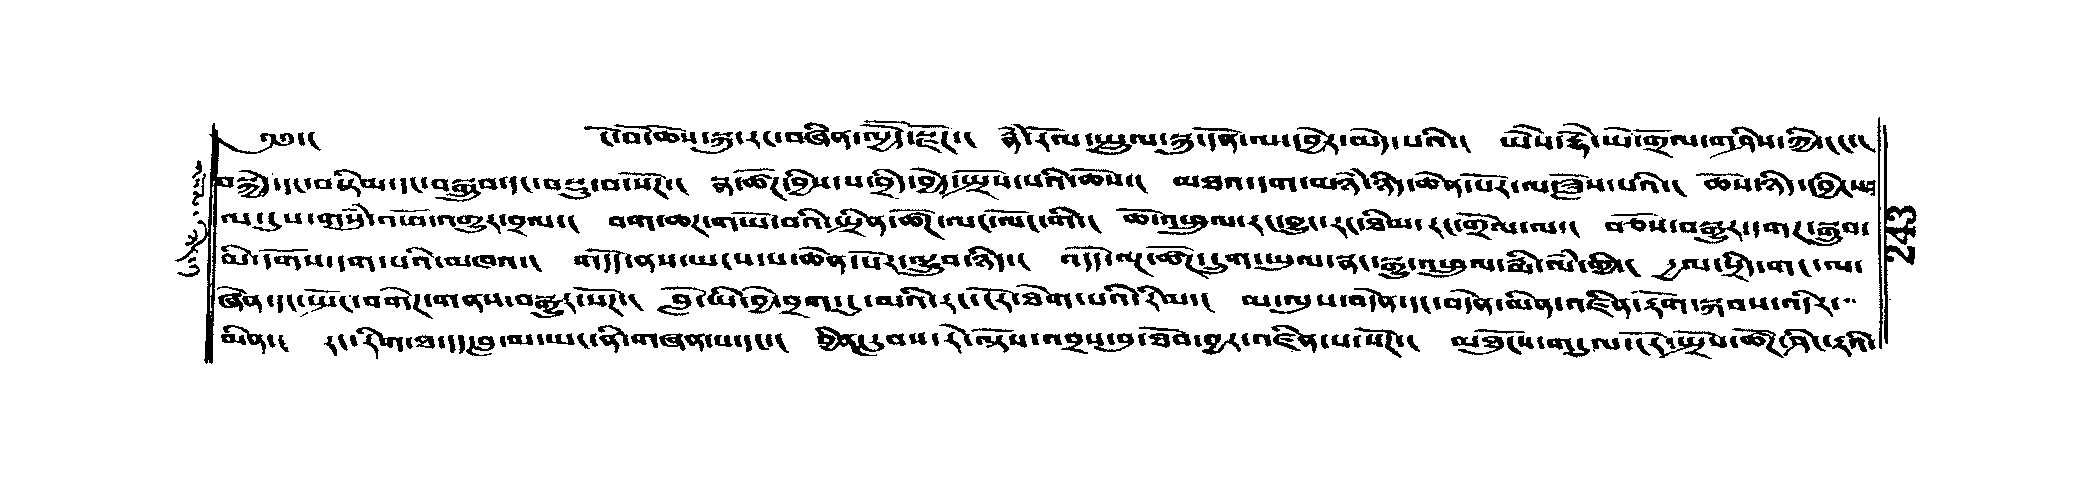།ངོ་བོ་ཆོས་སྐུ་རང་བཞིན་ལོངས་སྤྱོད་རྫོགས། །རྣམ་རོལ་སྤྲུལ་སྐུ་དོན་ལ་དབྱེར་མེད་པའི། །ཡེ་ཤེས་རྡོ་རྗེ་ཡེ་གྲོལ་གཤིས་ཀྱི་ངང་། །
བསྐྱེད་དང་བསྟིམ་དང་བསྒྲུབ་དང་བསྡུ་བ་སོགས། །སྣ་ཚོགས་བྱིས་པ་བྲིད་བྱེད་སྤྲོས་པའི་ཆོས། །མཐའ་དག་མཉམ་ཉིད་ཆེན་པོར་ལ་ཟློས་པའི། །ཆོས་ཉིད་དབྱིངས་
ལ་དུས་གསུམ་འཕོ་འགྱུར་བྲལ། །བག་ཆགས་གཡོ་བའི་སྤྲིན་ཚོགས་ལང་ལོང་གི །ཆོ་འཕྲུལ་རང་བྱུང་རང་ཐིམ་རང་གྲོལ་ལ། །བཅོས་བསྒྱུར་དགག་སྒྲུབ་
མི་དགོས་དག་པའི་མཁའ། །གདོད་ནས་ཡངས་པ་ཆེན་པོར་ལྷུན་གྲུབ་ཉིད། །འདོད་ལྔ་ཚོགས་དྲུག་ཡུལ་སྣང་སྒྱུ་འཕྲུལ་རྨི་ལམ་གྱི། །རྒྱལ་སྲིད་གང་ལ་
ཞེན་དང་སྤོང་དགགས་གནས་བསྒྱུར་སོགས། །བློ་ཡི་བྱེ་བྲག་དུ་མའི་རང་ངོར་ཐེག་པའི་རིམ། །མ་ལུས་བདེན་དང་བདེན་མིན་འཛིན་རྟོག་སྐབས་འདིར་
མིན། །རང་རིག་ཐ་དད་བླ་མ་ཡང་ནི་གཞན་པ་དང་། །བྱིན་རླབས་རེ་ལྟོས་འབྲས་བུ་ཐོབ་བྱར་འཛིན་པ་སོགས། །ཐུན་མོངས་གདུལ་ངོར་སྤྲོས་ཚོགས་ཤིང་རྟའི་